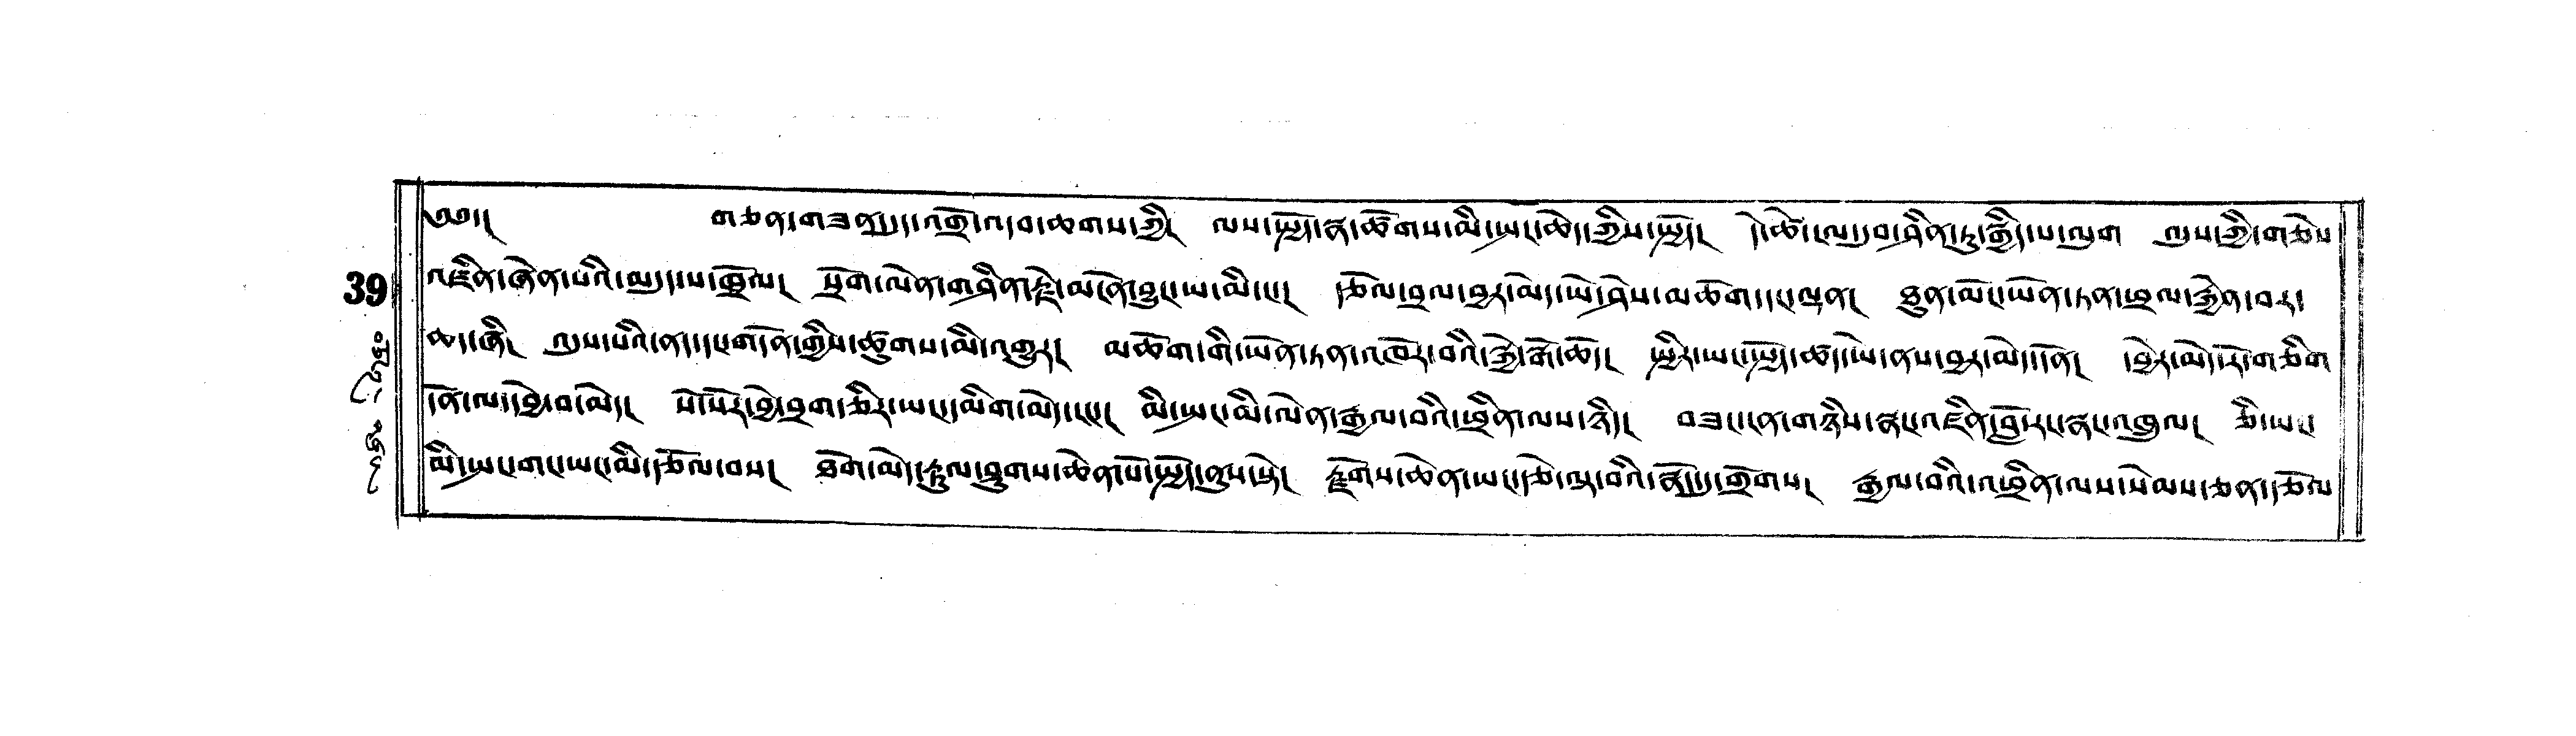གཅན་གཟན་དུད་འགྲོ་འདབ་ཆགས་ཀྱི། ལས་སྤྱོད་སྣ་ཚོགས་མི་སྤང་ཆེད་ཀྱིས་སྤྱོད། དེ་ཚེ་ངལ་དུབ་ཤིན་ཏུ་སྒྱིད་པ་ལུག ལུས་ཀྱི་གཅེས་
འཛིན་ཞེན་པའི་མདུད་པ་གྲོལ། སྲོག་ལེན་གཤིན་རྗེ་མངོན་བྱུང་ཡ་མི་ང་། རྩོལ་བྲལ་བྱར་མེད་ཡེ་ཤེས་མཆོག་དང་ལྡན། ཐུན་མོང་ཡོན་ཏན་འཕྲལ་རྐྱེན་བར་
ཆད་ཞི། འདུས་པའི་ནད་དང་གདོན་གྱིས་ཚུགས་མི་འགྱུར། མཆོག་གི་ཡོན་ཏན་འཁོར་བའི་སྐྱེ་སྒོ་ཆོད། སྤྱིར་ཡང་སྤྱོད་ཚད་ཡེ་ནས་བྱར་མེད་དོན། དབྱེར་མེད་རོ་གཅིག་
དོན་ལ་དབྱེ་བ་མེད། སོ་སོར་བྱེ་བྲག་ཅིར་ཡང་དམིགས་མེད་ངང་། མི་སྤང་མི་ལེན་རྒྱལ་བའི་ཕྲིན་ལས་ཉིད། བཟང་ངན་གཉིས་སྣང་འཛིན་བློ་རང་སྣང་འཁྲུལ། ཅི་ཡང་
མི་སྤང་གང་ཡང་མི་རྩོལ་བས། ཐོགས་མེད་རྟུལ་ཞུགས་ཆེན་པོ་སྤྱོད་ནུས་ཏེ། རྫོགས་ཆེན་ཡང་རྩེ་ལྟ་བའི་སྣོད་དུ་གྲོགས། རྒྱལ་བའི་ཕྲིན་ལས་སེམས་ཅན་རྩོལ་